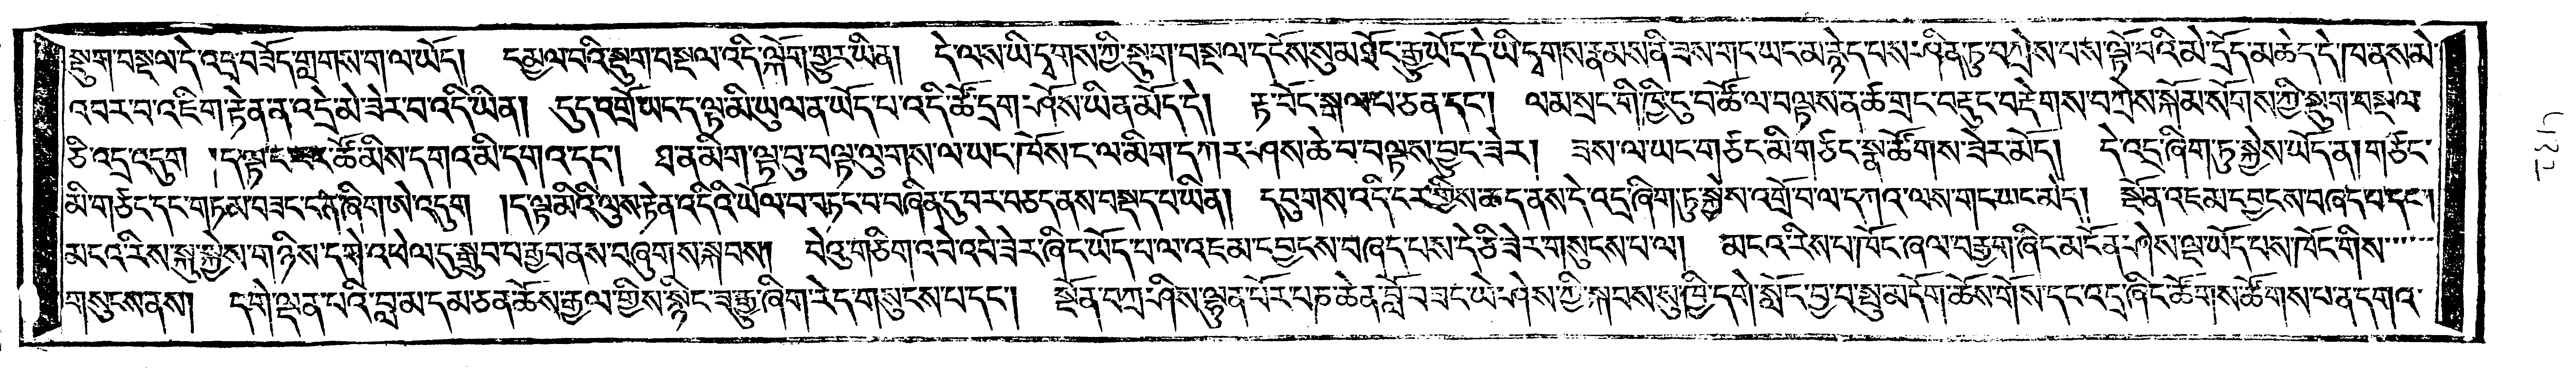སྡུག་བསྔལ་དེ་འདྲ་བཟོད་གླགས་ག་ལ་ཡོད། དམྱལ་བའི་སྡུག་བསྔལ་འདི་ལྐོག་གྱུར་ཡིན། དེ་ལས་ཡི་དྭགས་ཀྱི་སྡུག་བསྔལ་དངོས་སུ་མཐོང་རྒྱུ་ཡོད་དེ་ཡི་དྭགས་རྣམས་ནི་ཟས་གང་ཡང་མ་རྙེད་པས་ཤིན་ཏུ་བཀྲེས་པས་ལྟོ་བའི་མེ་དྲོད་མཆེད་དོ་ཁ་ནས་མ་
འབར་བ་འཇིག་རྟེན་ན་འདྲེ་མེ་ཟེར་བ་འདི་ཡིན། དུད་འགྲོ་ཡང་ད་ལྟ་མི་ཡུལ་ན་ཡོད་པ་འདི་ཚོ་དྲག་ཤོས་ཡིན་མོད་དེ། རྟ་བོང་སྒལ་པ་ཅན་དང་། ལམ་སྲང་གི་ཁྱི་ངུ་བ་ཚོ་ལ་བལྟས་ན་ཚ་གྲང་བརྡུང་བརྡེགས་བཀྲེས་སྐོམ་སོགས་ཀྱི་སྡུག་བསྔལ་
ཅི་འདྲ་འདུག །ད་ལྟ་ང་རང་ཚོ་མིས་དགའ་མི་དགའ་དང་། ཐ་ན་མིག་ལྟ་བུ་བལྟ་ལུགས་ལ་ཡང་ཁོས་ང་ལ་མིག་དཀར་ཤས་ཆེ་བ་བལྟས་བྱུང་ཟེར། ཟས་ལ་ཡང་གཙང་མི་གཙང་སྣ་ཚོགས་ཟེར་མོད། དེ་འདྲ་ཞིག་ཏུ་སྐྱེས་ཡོད་ན། གཙང་
མི་གཙང་དང་གཏམ་བཟང་ངན་ཞིག་ཨེ་འདུག །ད་ལྟ་མིའི་ལུས་རྟེན་འདིའི་ཡོལ་བ་བཏང་བ་བཞིན་དུ་བར་བཅད་ནས་བསྡད་པ་ཡིན། དབུགས་འདི་ངར་གྱིས་ཆད་ནས་དེ་འདྲ་ཞིག་ཏུ་སྐྱེས་འགྲོ་བ་ལ་དཀའ་ལས་གང་ཡང་མེད། སྔོན་འཇམ་དབྱངས་བཞད་པ་དང་།
མངའ་རིས་སྐུ་སྐྱེས་གཉིས་དགེ་འཕེལ་དུ་སྒྲུབ་པ་རྒྱབ་ནས་བཞུགས་སྐབས། བེའུ་གཅིག་འབེ་འབེ་ཟེར་ཞིང་ཡོད་པ་ལ་འཇམ་དབྱངས་བཞད་པས་དེ་ཅི་ཟེར་གསུངས་པ་ལ། མངའ་རིས་པ་ཁོང་ཞལ་བརྒྱག་ཞིང་མངོན་ཤེས་ལྔ་ཡོད་པས་ཁོང་གིས་
གསུངས་ནས། དགེ་ལྡན་པའི་བླ་མ་དམ་ཅན་ཆོས་རྒྱལ་གྱིས་སྙིང་ཟ་རྒྱུ་ཞིག་རེད་གསུངས་པ་དང་། སྔོན་བཀྲ་ཤིས་ལྷུན་པོར་པཎ་ཆེན་བློ་བཟང་ཡེ་ཤེས་ཀྱི་སྐབས་སུ་ཁྱི་དགེ་སློང་བྱ་བ་སྤུ་མདོག་ཆོས་གོས་དང་འདྲ་ཞིང་ཚོགས་ཚོགས་པ་ན་དགའ་